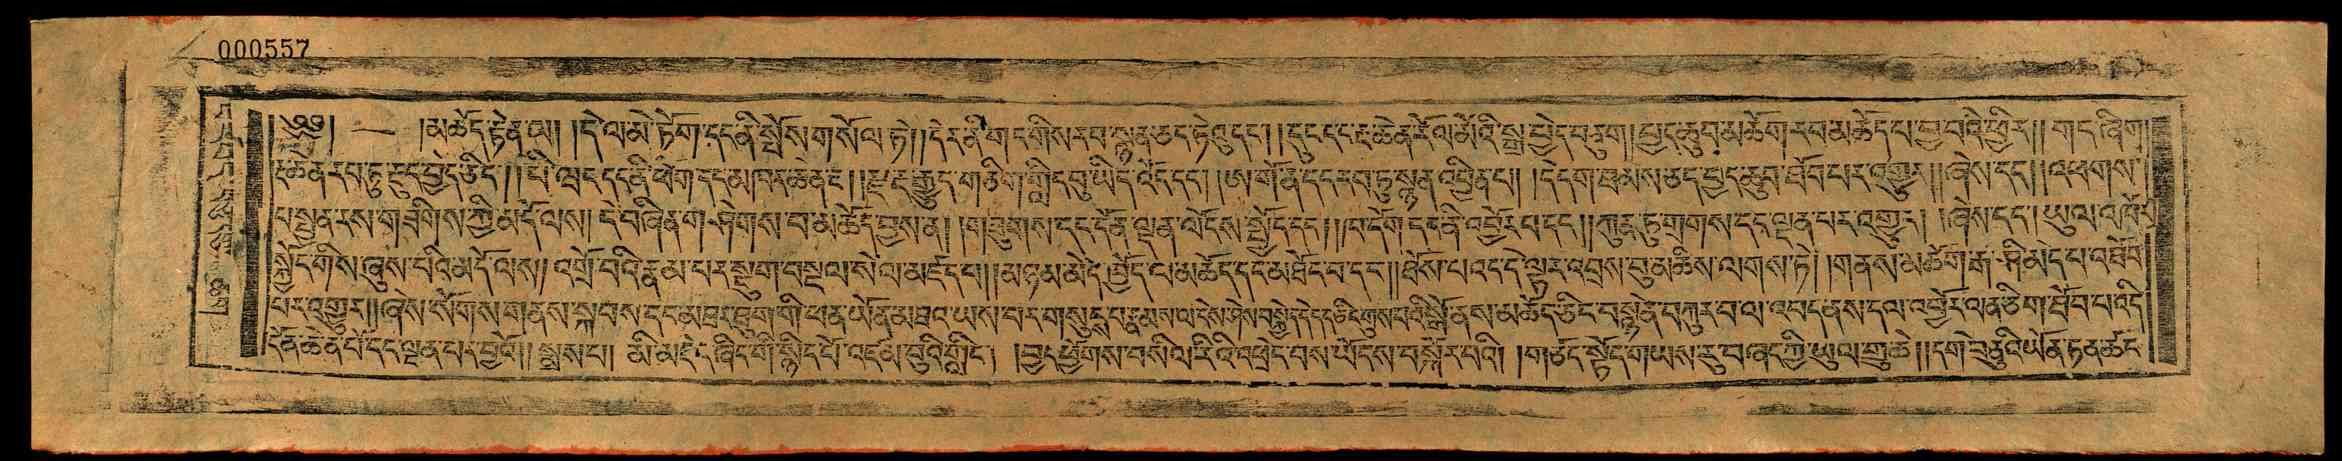༄༅། །མཆོད་རྟེན་ལ། །དེ་ལ་མེ་ཏོག་དང་ནི་སྤོས་གསོལ་ཏེ། །དེར་ནི་གང་གིས་རབ་སྙན་ཅང་ཏེའུ་དང་། །དུང་དང་རྔ་ཆེན་རོལ་མོའི་སྒྲ་བྱེད་བཅུག །བྱང་ཆུབ་མཆོག་རབ་མཆོད་པ་བྱ་བའི་ཕྱིར། །གང་ཞིག་
རྔ་ཆེན་རབ་ཏུ་རྡུང་བྱེད་ཅིང་། །པི་ཝང་དང་ནི་ཕེག་དང་མཁར་ཆེན་རྔ། །རྫ་རྔ་རྒྱུད་གཅིག་གླིང་བུ་ཡིད་འོང་དང་། །ཨ་གོ་ན་དང་རབ་ཏུ་སྙན་འབྱིན་པ། །དེ་དག་ཐམས་ཅད་བྱང་ཆུབ་ཐོབ་པར་འགྱུར། །ཞེས་དང་། འཕགས་
པ་སྤྱན་རས་གཟིགས་ཀྱི་མདོ་ལས། །དེ་བཞིན་གཤེགས་པ་མཆོད་བྱས་ནས། །གཟུགས་དང་དོན་ལྡན་ལོངས་སྤྱོད་དང་། །ཁ་དོག་དང་ནི་འབྱོར་བ་དང་། །ཀུན་ཏུ་གྲགས་དང་ལྡན་པར་འགྱུར། །ཞེས་དང་། ཡུལ་འཁོར་
སྐྱོང་གིས་ཞུས་་་པའི་མདོ་ལས། །འགྲོ་བའི་རྣམ་པར་སྡུག་བསྔལ་སེལ་མཛད་པ། །མཉམ་མེད་ཁྱོད་ལ་མཆོད་དང་མཐོང་བ་དང་། །ཐོས་པའང་དེ་ལྟར་འབྲས་བུ་མཆིས་ལགས་ཏེ། །གནས་མཆོག་རྒ་ཤི་མེད་པ་འཐོབ་
པར་འགྱུར། །ཞེས་སོགས་གནས་སྐབས་དང་མཐར་ཐུག་གི་ཕན་ཡོན་མཐའ་ཡས་བར་གསུངས་པ་རྣམས་ལ་ངེས་ཤེས་བསྐྱེད་དེ་དད་ཅིང་གུས་པའི་སྒོ་ནས་མཆོད་ཅིང་བསྙེན་བཀུར་བ་ལ་འབད་ནས་དལ་འབྱོར་ལན་ཅིག་ཐོབ་པ་འདི་
དོན་ཆེན་པོ་དང་ལྡན་པར་བྱའོ། །སྨྲས་པ། མི་མཇེད་ཞིང་གི་སྙིང་པོ་འཛམ་བུའི་གླིང་། །བྱང་ཕྱོགས་བསིལ་རིའི་འཕྲེང་བས་ཡོངས་བསྐོར་བའི། །གཙང་སྟོད་གཡས་རུ་བཞད་ཀྱི་ཡུལ་གྲུ་ཆེ། །དགེ་བཅུའི་ཡོན་ཏན་ཚང་